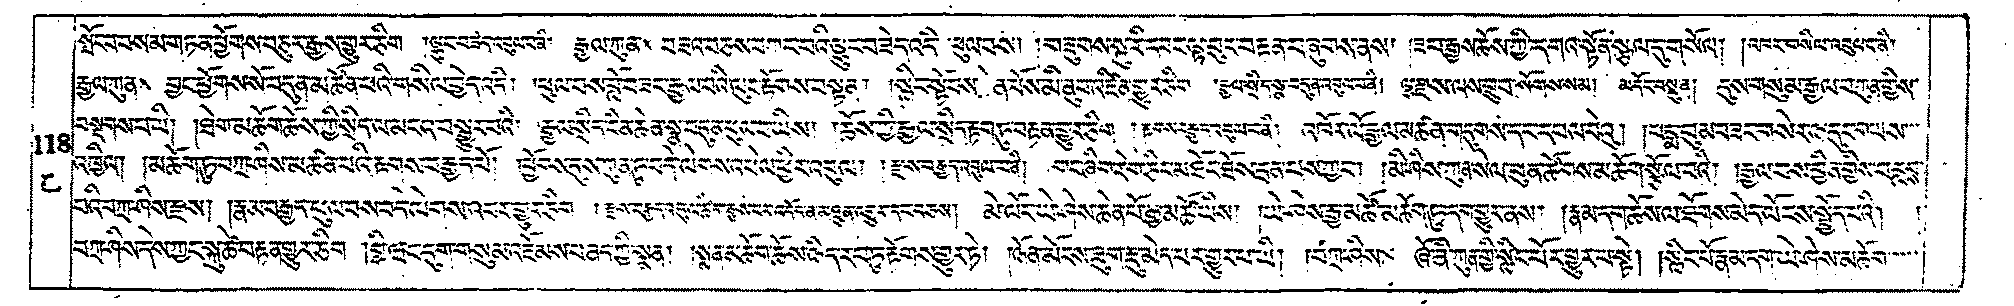སྤོང་བ་བསམ་གཏན་ཕྱོགས་བཅུར་རྒྱས་གྱུར་ཅིག་།ལྷུང་བཟེད་འབུལ་བ་ནི།  རྒྱལ་ཀུན་྾་བཟའ་བཅས་བཀང་བའི་ལྷུང་བཟེད་འདི་ཕུལ་བས། །གཟུགས་སྐུ་རི་དབང་ལྟ་བུར་བརྟན་བཞུགས་ནས། །ཟབ་རྒྱས་ཆོས་ཀྱི་དགའ་སྟོན་སྩལ་དུ་གསོལ། །འཁར་གསིལ་འབུལ་བ་ནི།
རྒྱལ་ཀུན་྾་བྱང་ཕྱོགས་སོ་བདུན་མཚོན་པའི་གསིལ་བྱེད་འདི། །ཕུལ་བས་བློ་བཟང་རྒྱལ་བའི་ལུང་རྟོགས་བསྟན། །སྙིང་སྟོབས་ཆེན་པོས་མི་ནུབ་འཛིན་གྱུར་ཅིག་།རྒྱལ་སྲིད་སྣ་བདུན་འབུལ་བ་ནི།  ལྷ་རྫས་ལས་གྲུབ་སོགས་སམ། མདོར་བསྡུ་ན།  དུས་གསུམ་རྒྱལ་བ་ཀུན་གྱིས་
བསྔགས་པ་ཡི། །ཐེག་མཆོག་ཆོས་ཀྱི་སྲིད་ལ་མངའ་བསྒྱུར་བའི། །རྒྱལ་སྲིད་རིན་ཆེན་སྣ་བདུན་ཕུལ་བ་ཡིས། །ཆོས་ཀྱི་རྒྱལ་སྲིད་རྟག་ཏུ་བརྟན་གྱུར་ཅིག་།རྟགས་བརྒྱད་འབུལ་བ་ནི།  འཁོར་ལོ་རྒྱལ་མཚན་གདུགས་དང་དཔལ་བེའུ། །པདམ་བུམ་བཟང་གསེར་ཉ་དུང་གཡས་་་
འཁྱིལ། །མཆོག་ཏུ་བཀྲ་ཤིས་མཚན་པའི་རྟགས་བརྒྱད་པོ། །ཕྱོགས་དུས་ཀུན་ཏུ་བདེ་ལེགས་འཕེལ་ཕྱིར་འབུལ། །རྫས་བརྒྱད་འབུལ་བ་ནི།  གང་ཞིག་རེག་ཅིང་མཐོང་ཐོས་དྲན་པས་ཀྱང་། །མི་ཤིས་ཀུན་སེལ་ཕུན་ཚོགས་མཆོག་སྩོལ་བའི། །རྒྱལ་བའི་ཕྱིན་གྱིས་བརླབས་
པའི་བཀྲ་ཤིས་རྫས། །རྣམ་བརྒྱད་ཕུལ་བས་བདེ་ལེགས་འབར་གྱུར་ཅིག་།རྫས་བརྒྱད་འབུལ་ཚིག་རྒྱས་པར་འདོད་ན་མཐུན་འགྱུར་དང་བཅས།  མེ་ལོང་ཡེ་ཤེས་ཆེན་པོ་རྒྱ་མཚོ་ཡིས། །ཡེ་ཤེས་རྒྱ་མཚོ་མཆོག་ཏུ་དག་གྱུར་ནས། །རྣམ་དག་ཆོས་ལ་ཐོགས་མེད་ལོངས་སྤྱོད་པའི། །
བཀྲ་ཤིས་དེས་ཀྱང་སྐུ་ཚེ་བརྟན་གྱུར་ཅིག །གྷི་ལྭང་དུག་གསུམ་འཇོམས་པ་ནད་ཀྱི་སྨན། །སྨན་མཆོག་ཆོས་ཉིད་རབ་ཏུ་རྟོགས་གྱུར་ཏེ། །ཉོན་མོངས་ཟུག་རྡུ་མེད་པར་གྱུར་པ་ཡི། །བཀྲ་ཤིས་྾་ཞོ་ནི་ཀུན་གྱི་སྙིང་པོར་གྱུར་པ་སྟེ། །སྙིང་པོ་རྣམ་དག་ཡེ་ཤེས་མཆོག་་་